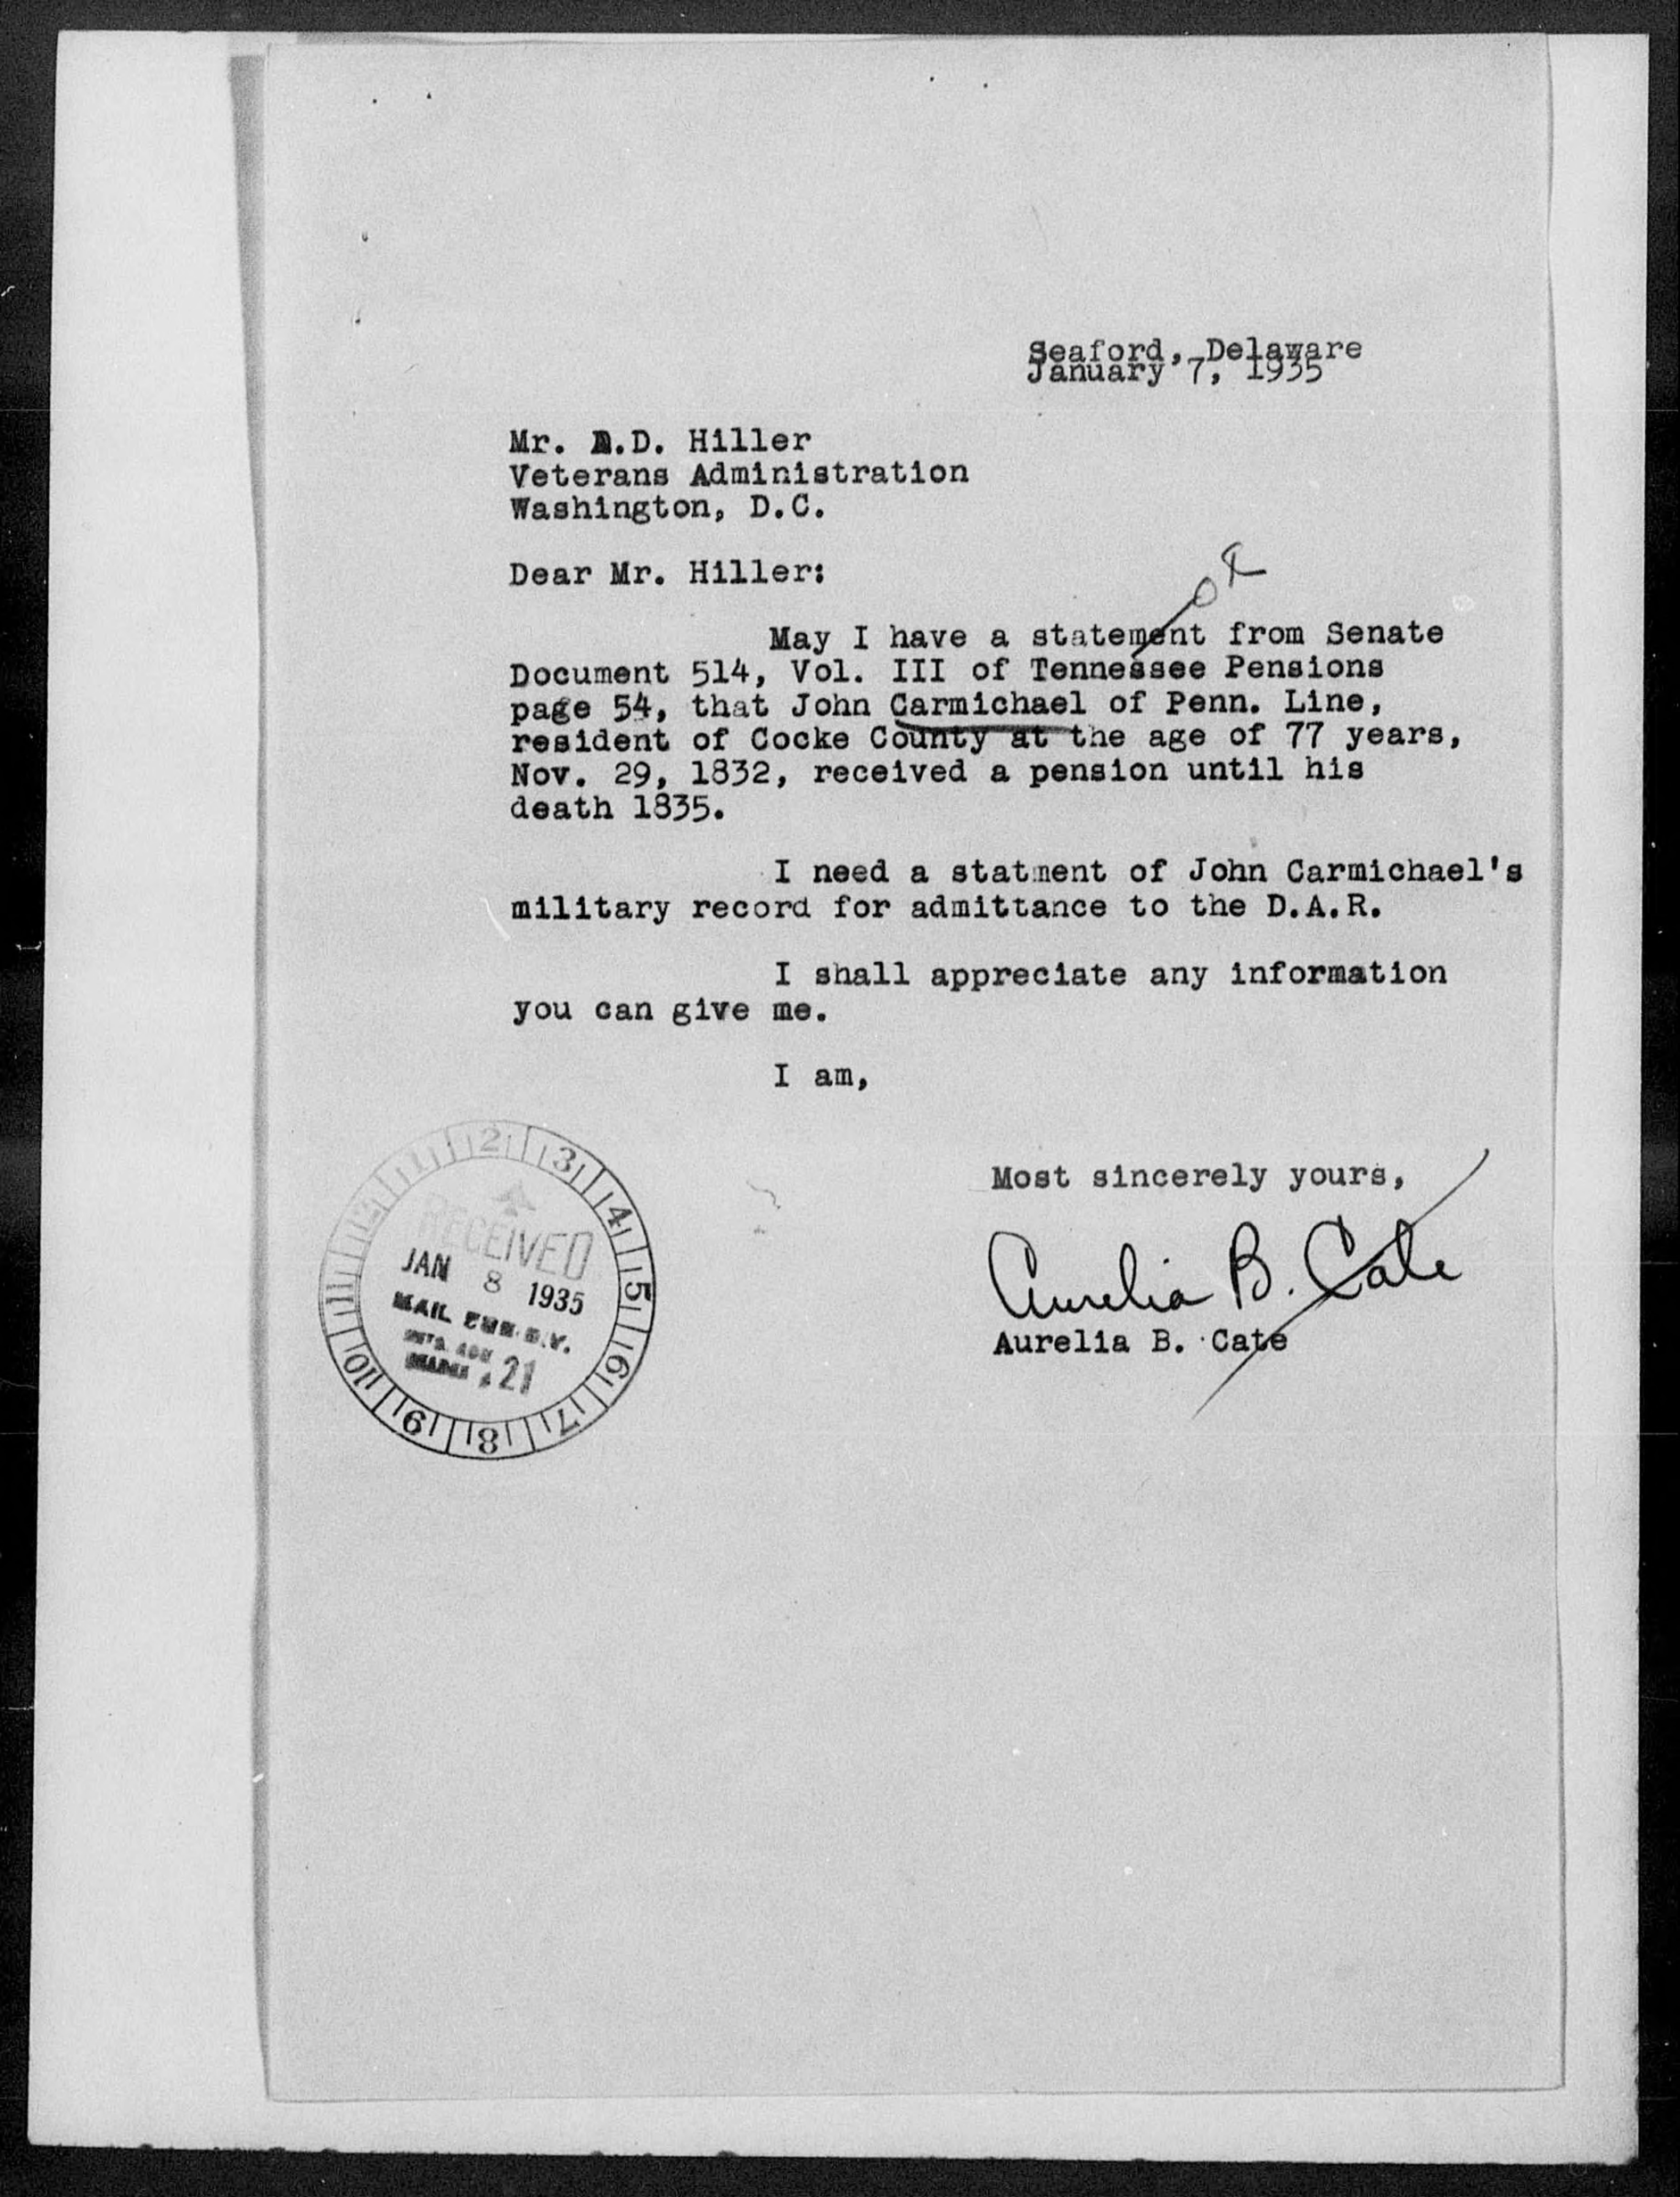Seaford, Delaware
January 7, 1935

Mr. A. D. Hiller
Veterans Administration
Washington, D.C.
Dear Mr. Hiller:
May I have a statement from Senate
Document 514, Vol. III of Tennessee Pensions
page 54, that John Carmichael of Penn. Line,
resident of Cocke County at the age of 77 years,
Nov. 29, 1832, received a pension until his
death 1835.
I need a statment of John Carmichael's
military record for admittance to the D. A. R.
I shall appreciate any information
you can give me.

I am,
Most sincerely yours,
Aurelia B. Cate
Aurelia B. Cate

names: Aurelia B Cate, John Carmichael, A D Hiller, Hiller, John Carmichael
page: 33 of 42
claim: survivor's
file: S. 31,595, John Carmickele, Penn.